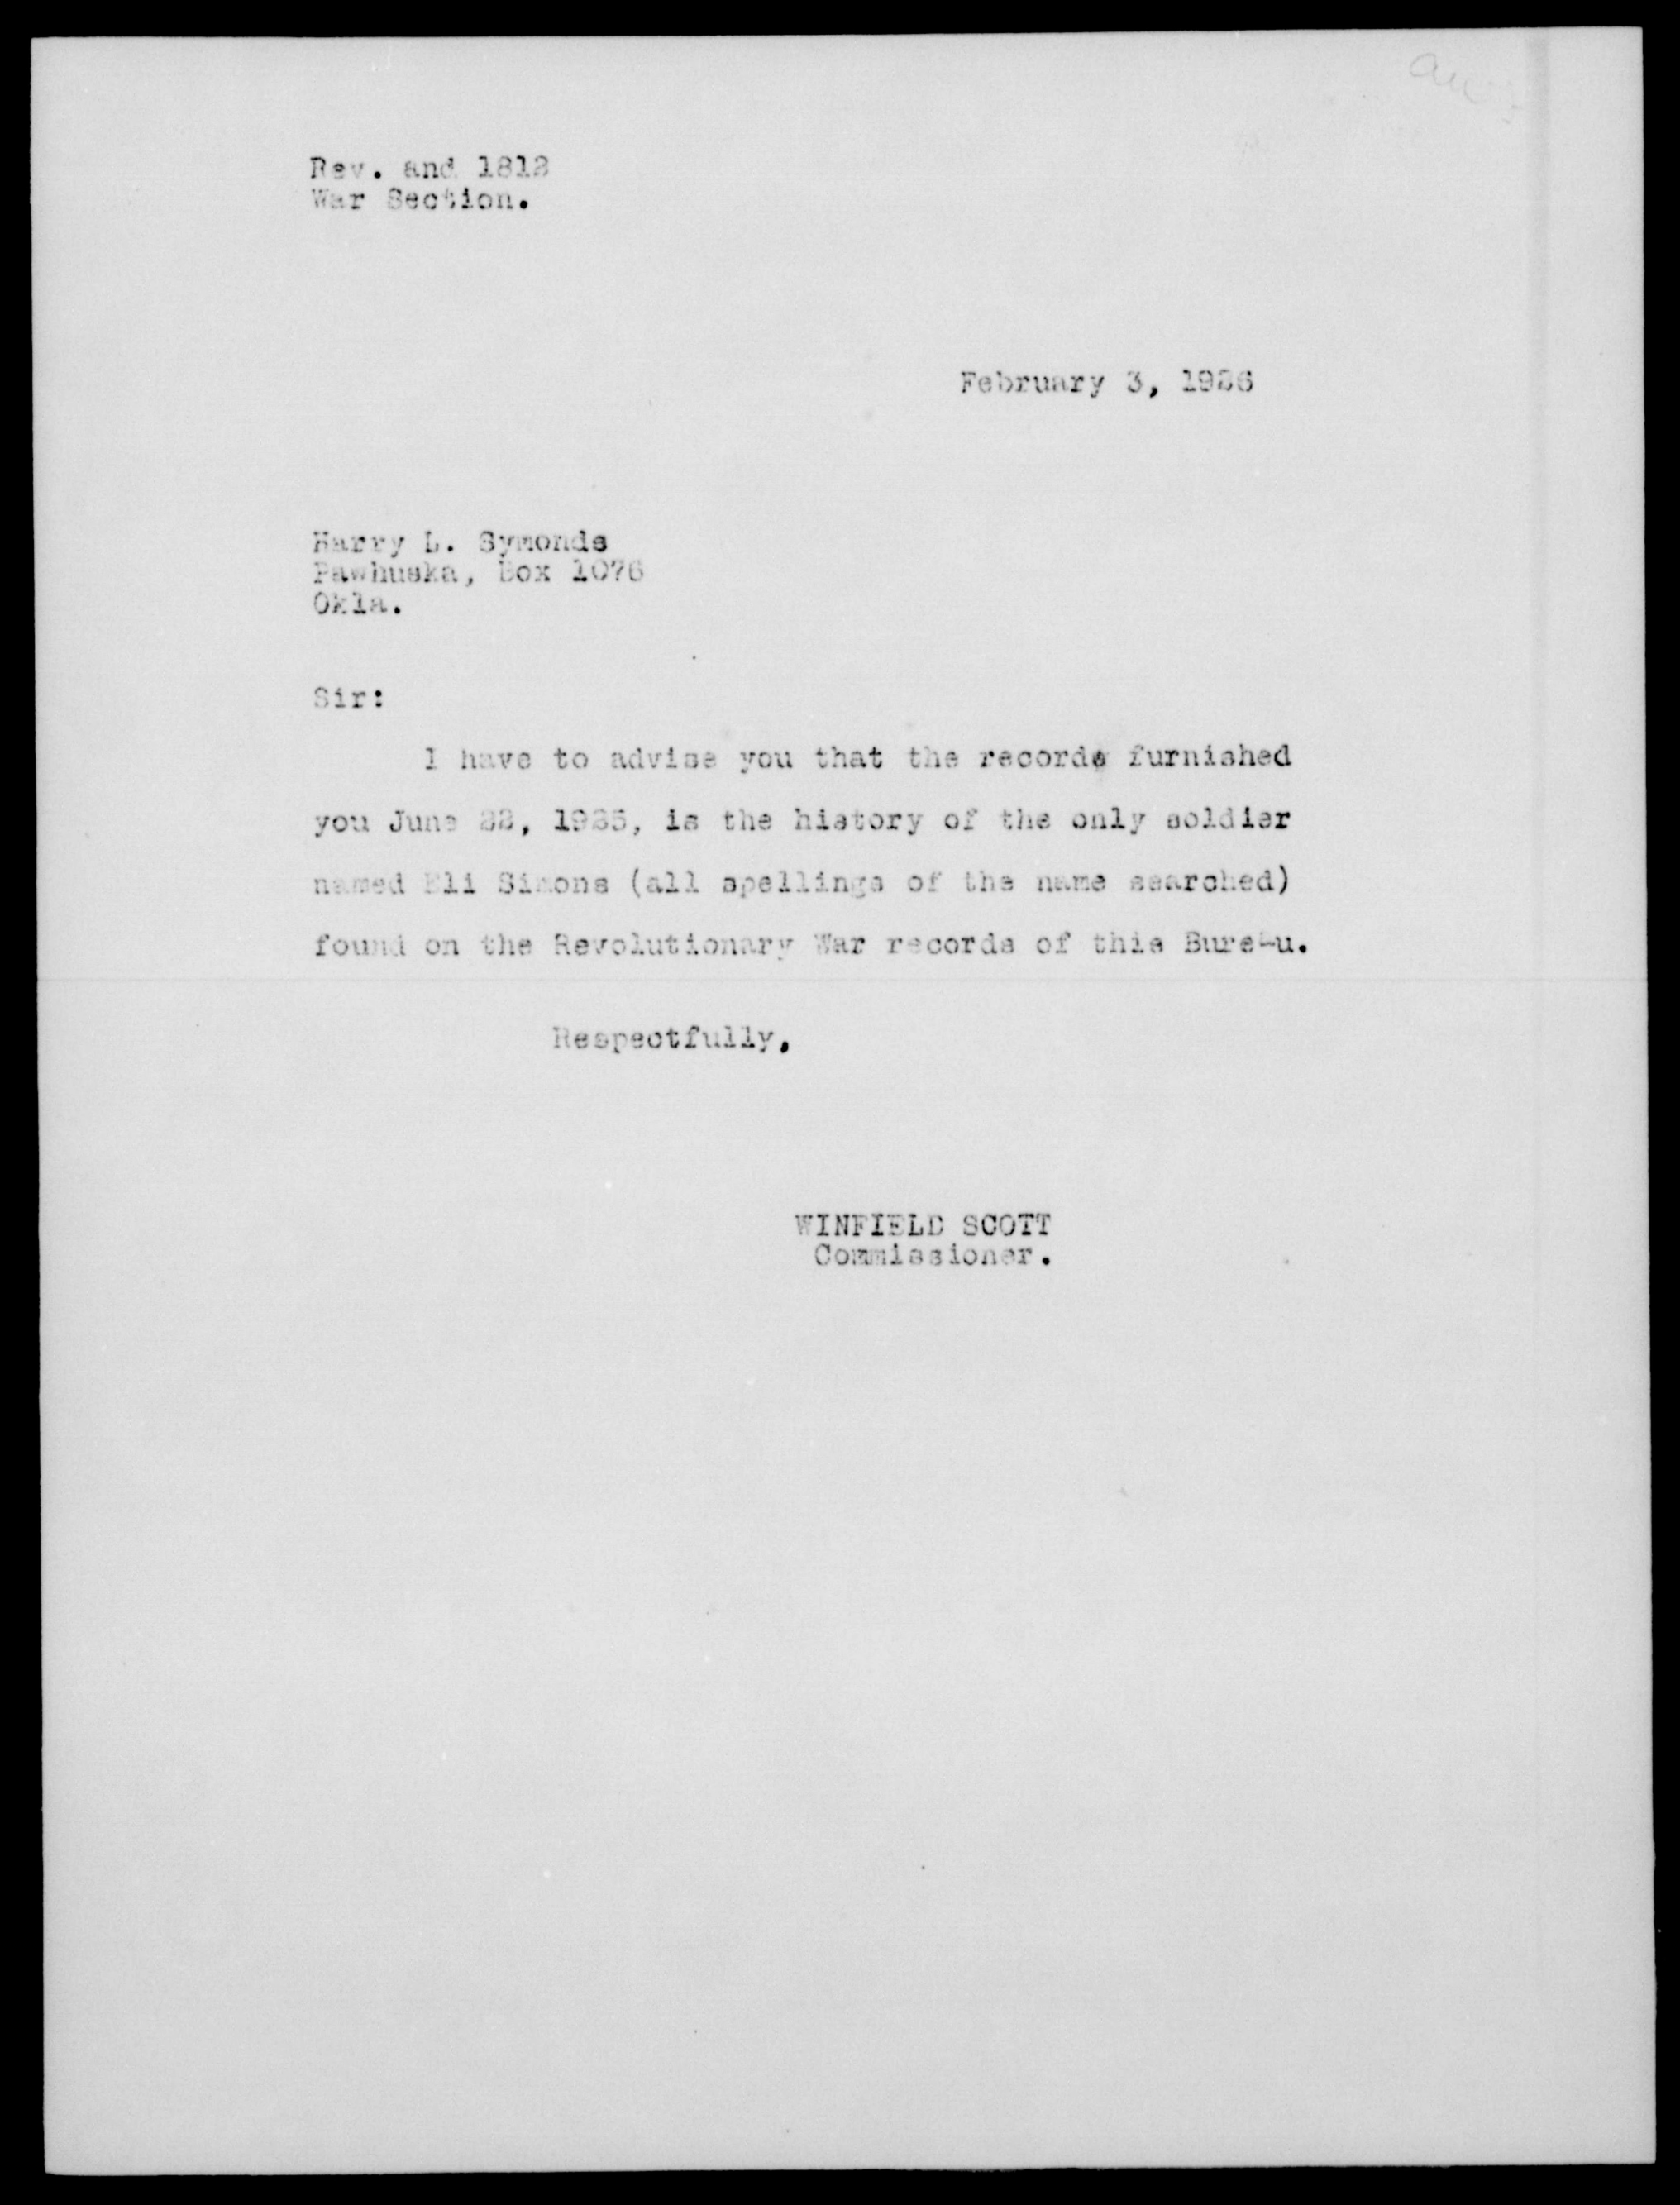Rev. and 1812
War Section.

February 3, 1926

Harry L. Symonds
Pawhuska, Box 1076
Okla.
Sir:
I have to advise you that the records furnished you June 22, 1925, is the history of the only soldier named Eli Simons (all spellings of the name searched) found on the Revolutionary War records of this Bureau.
Respectfully,
Winfield Scott
Commissioner.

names: Eli Simons; Harry L Symonds; Winfield Scott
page: 16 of 20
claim: survivor's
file: S 33668, for Eli Simons, Connecticut